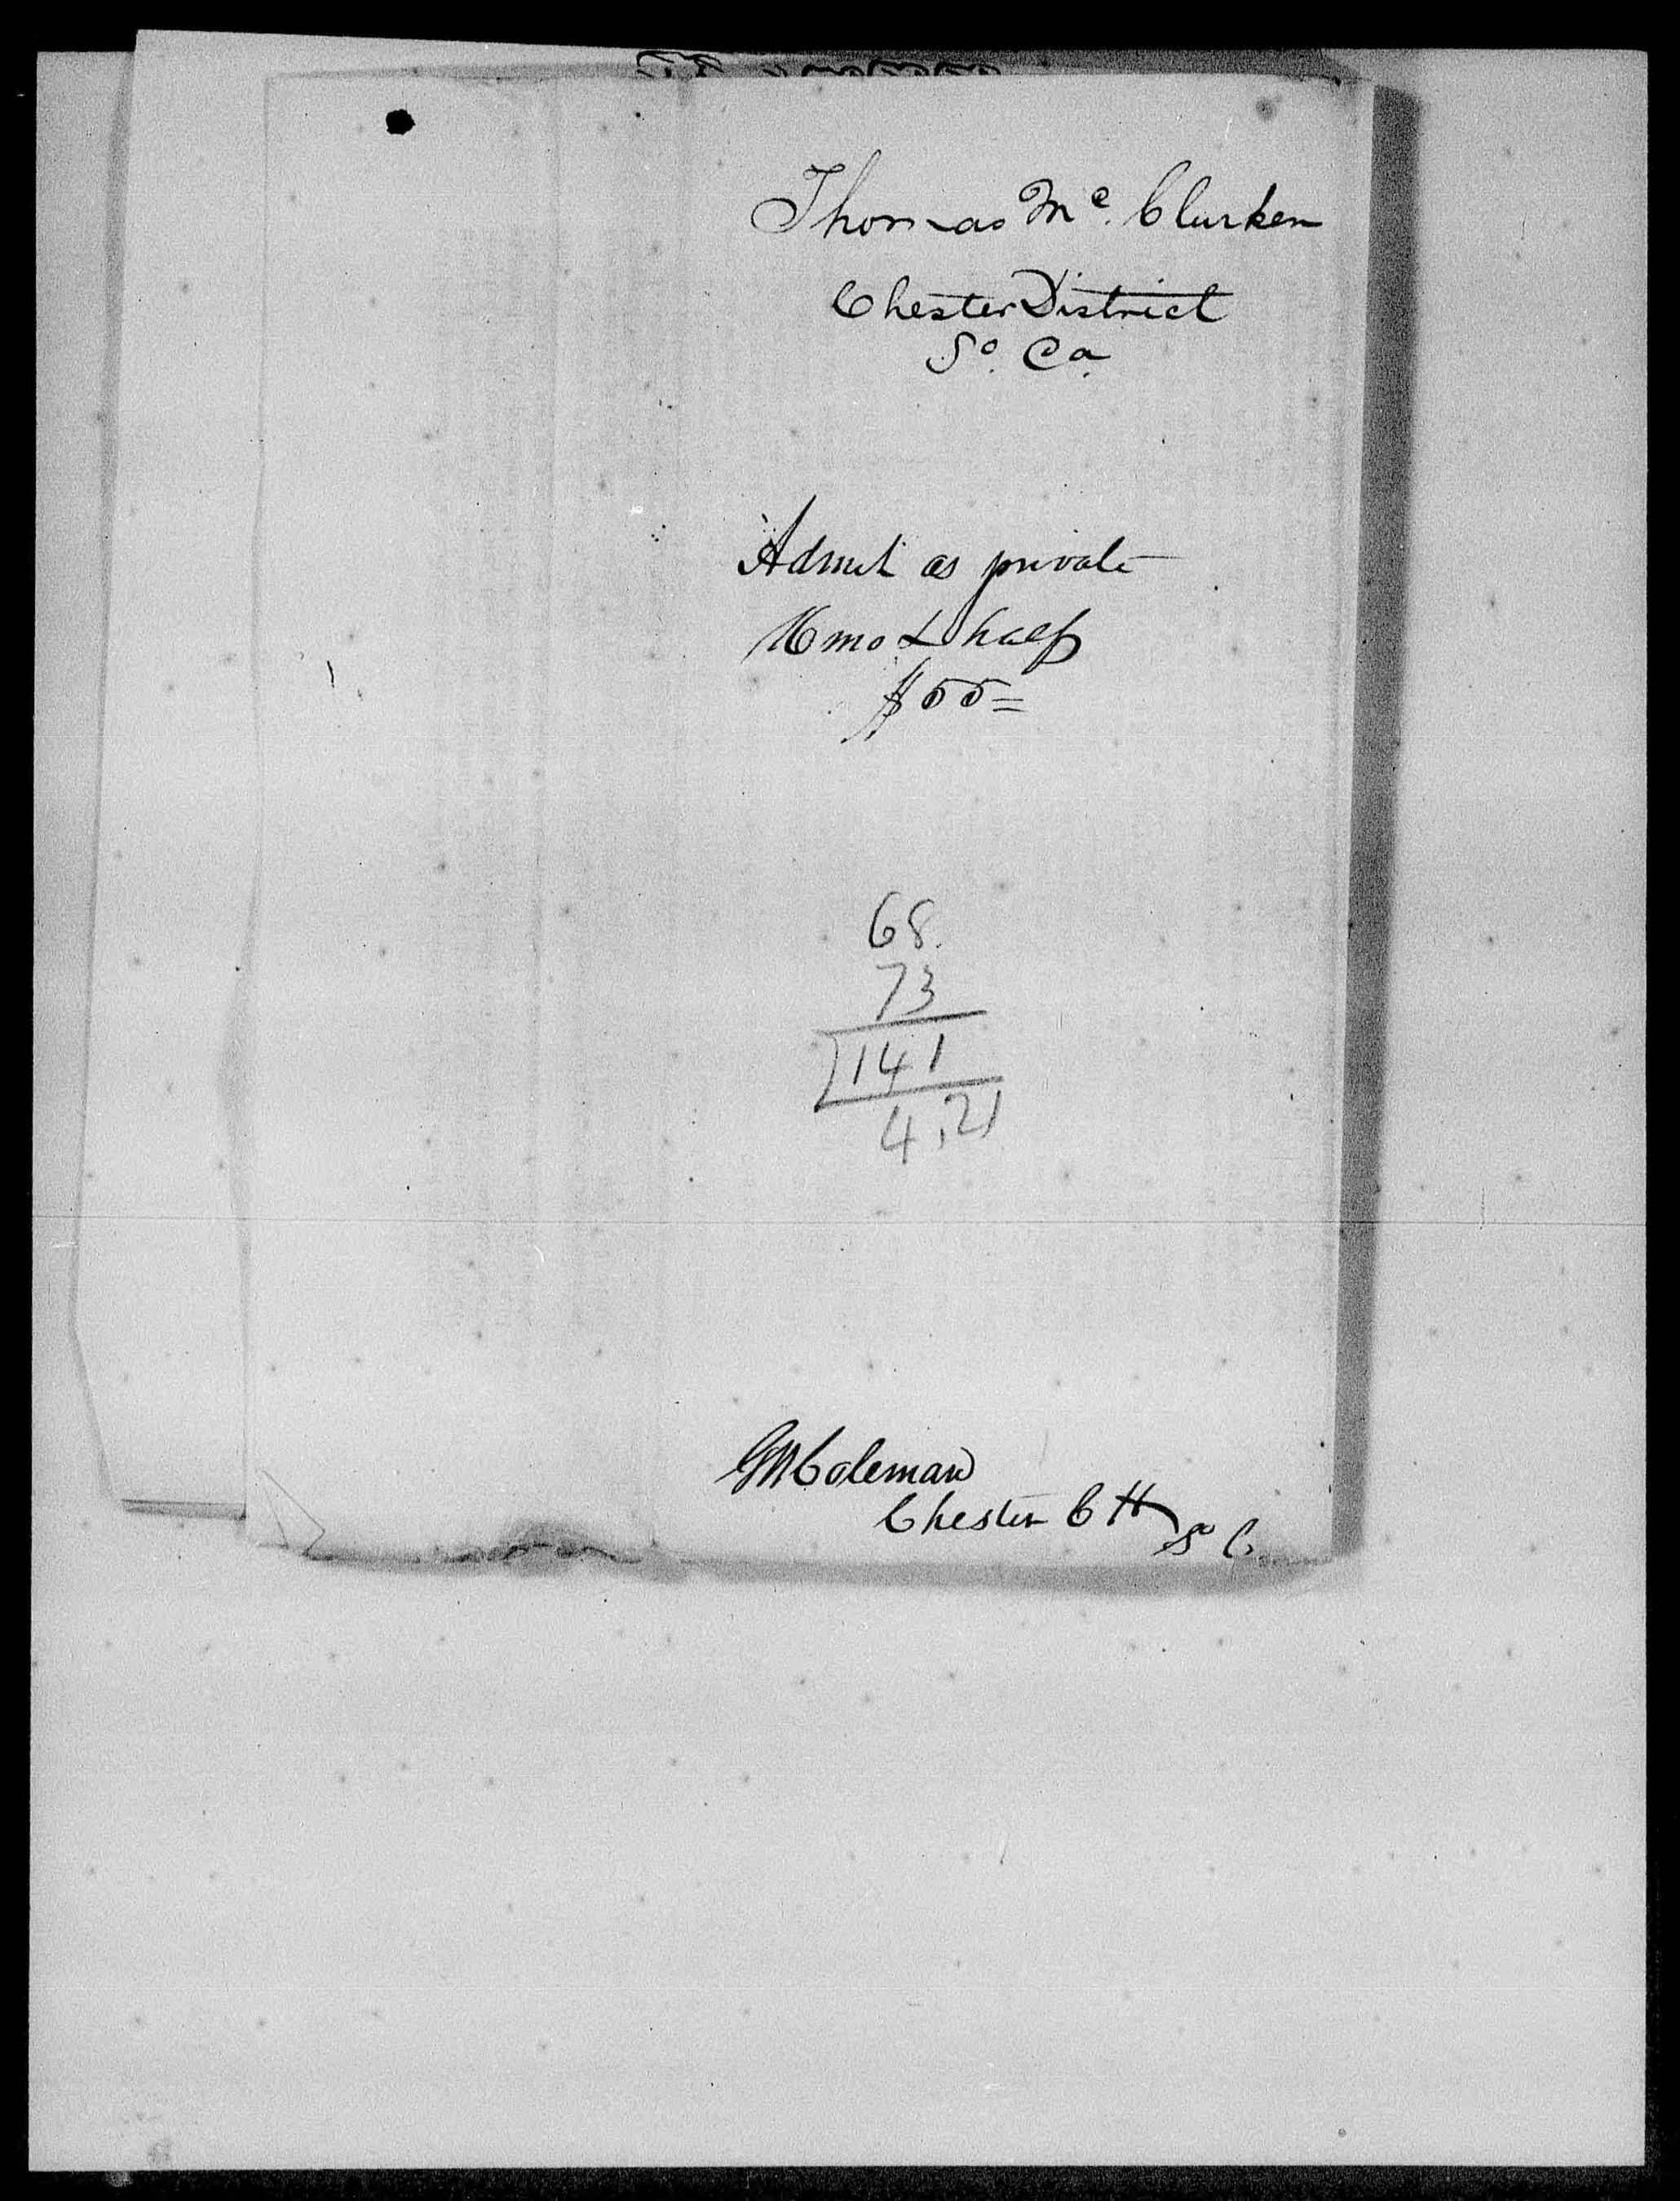Thomas McClurken 
Chester District 
So Ca 
Admit as private 
16 mo & half
 $55=

68 
73
141
4,21

MColeman 
Chester CH
SC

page: 18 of 93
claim: widow's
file: W. 21792, for Thomas Mc Clurken, South Carolina